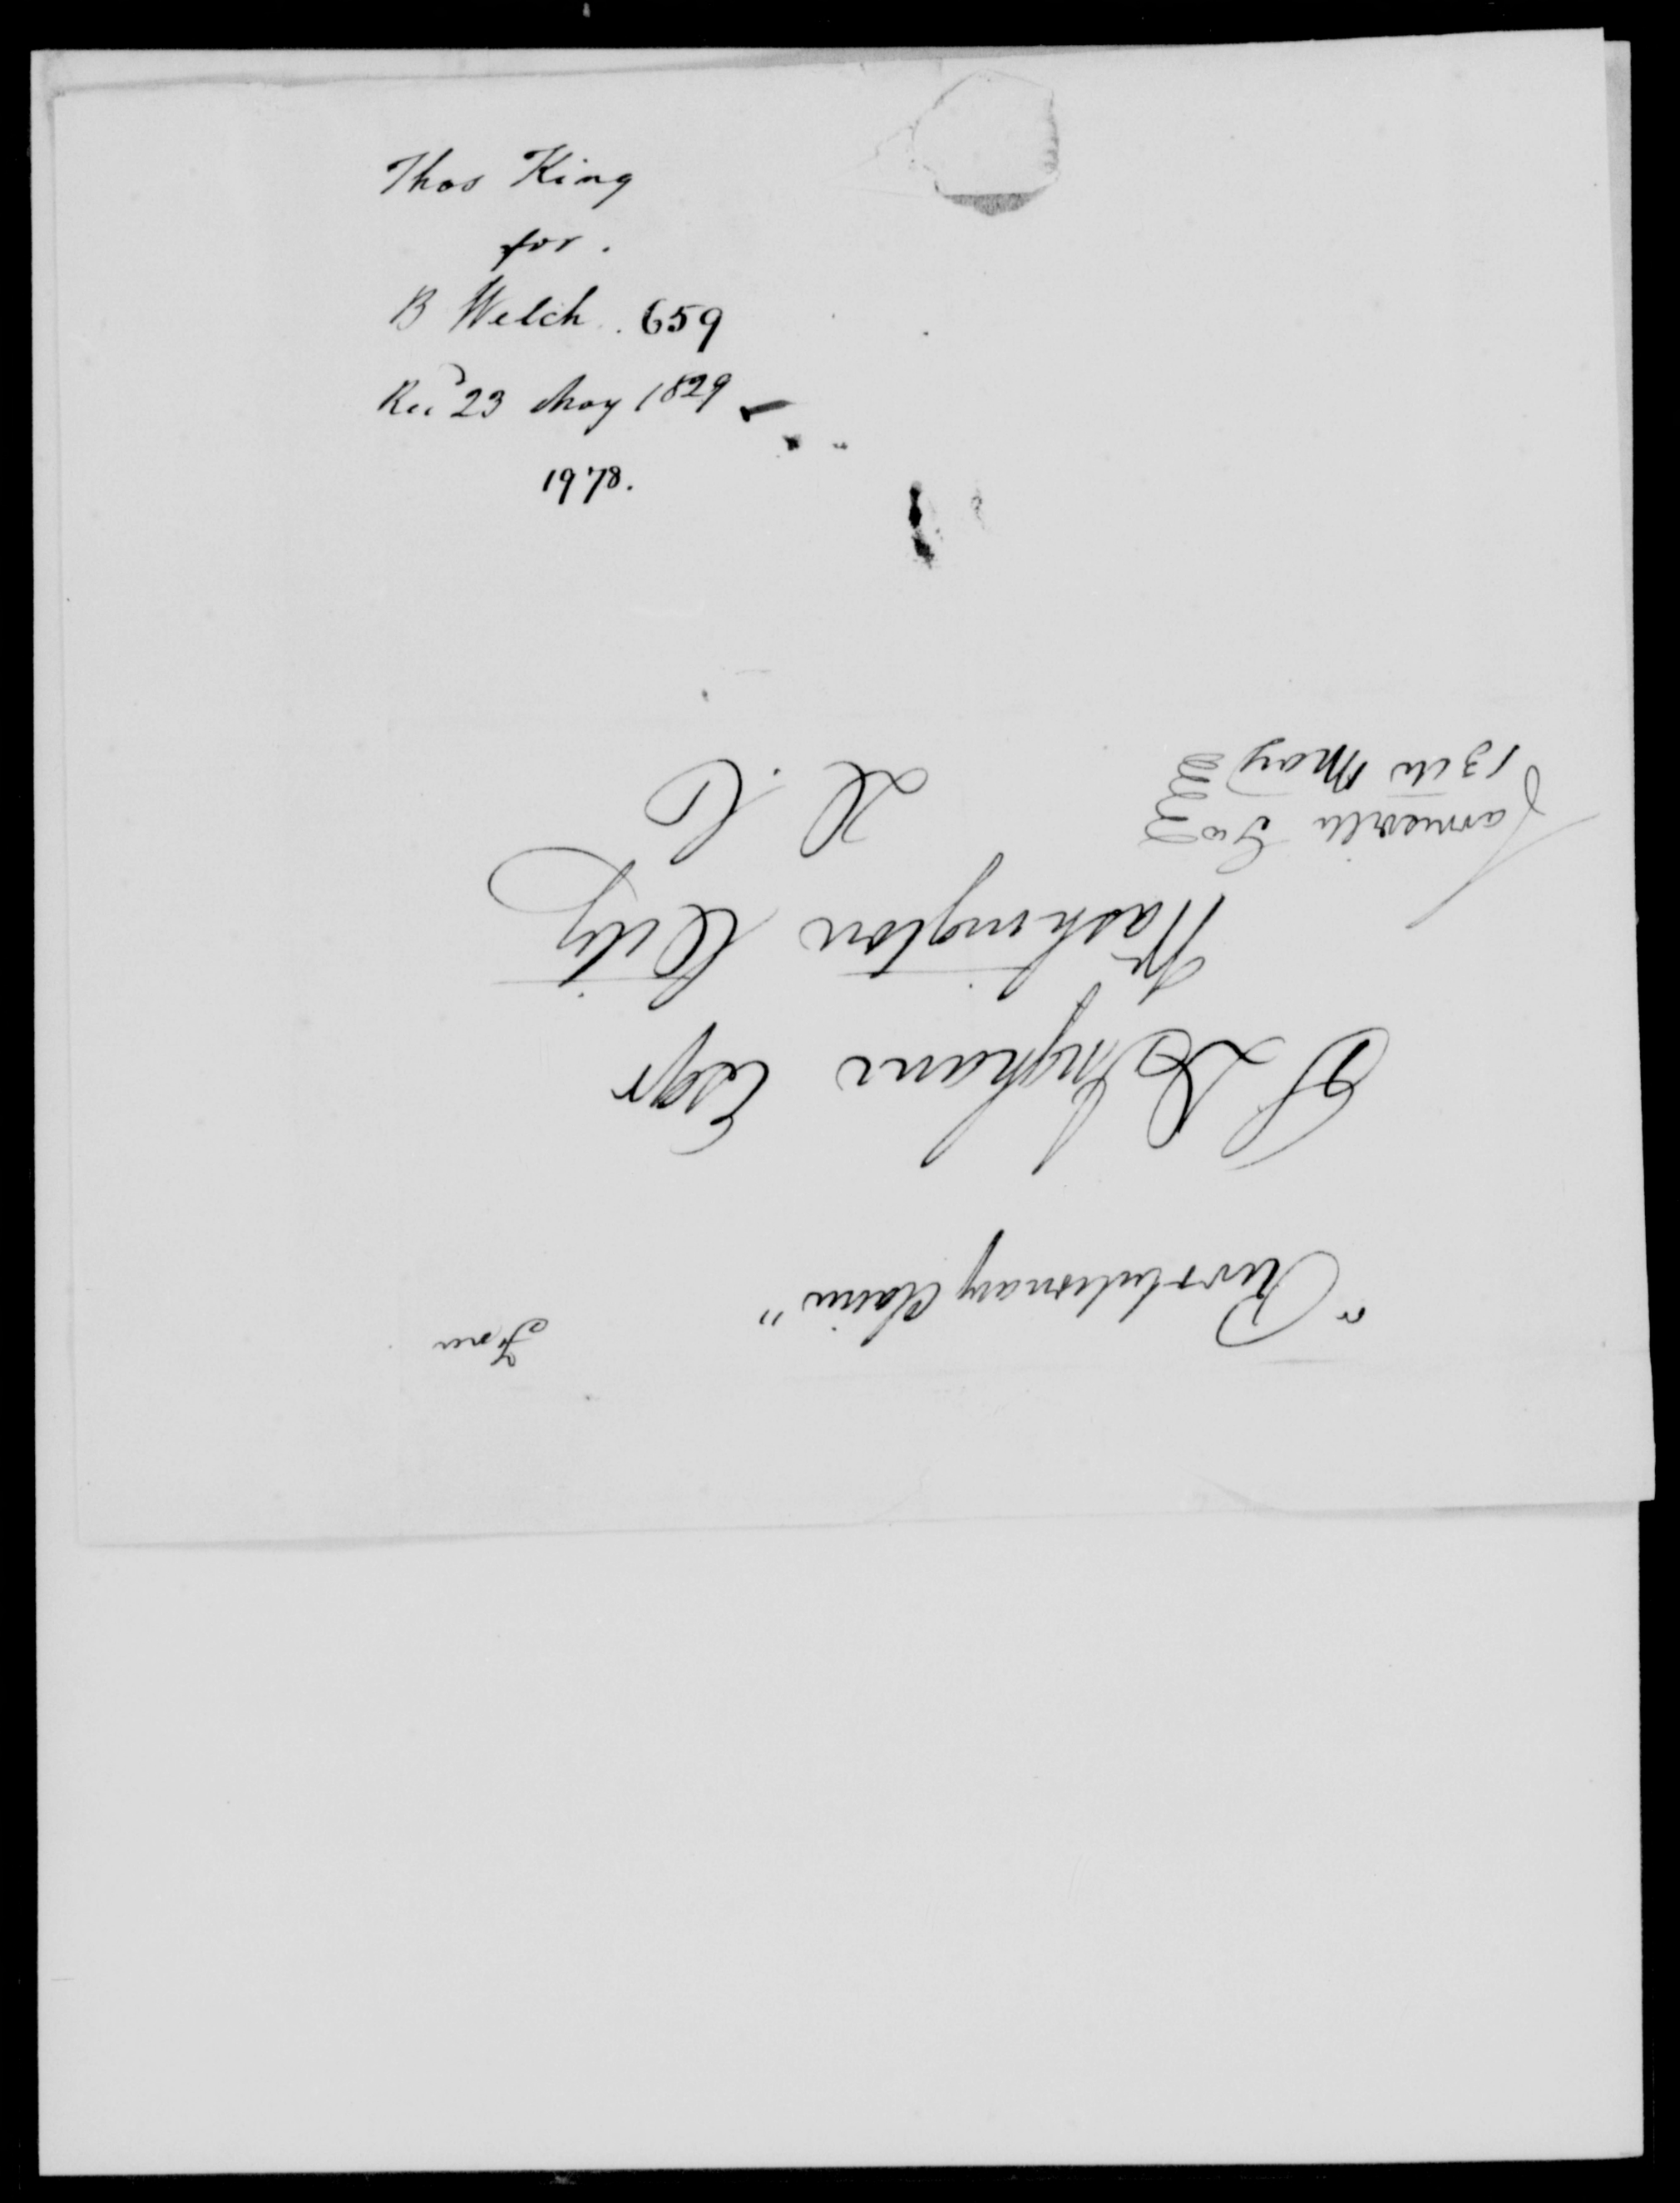Thos King
for
B Welch .659
Rec'd 23 May 1829
1978.
"Revolutionary Claims"
Free
S D Ingham Esqr
Washington City
D. C
Carnesville Ga
13th May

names: S D Ingham, Thos King, B Welch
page: 15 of 23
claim: rejected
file: R. 20,446, Benjamin Welch, Ga.